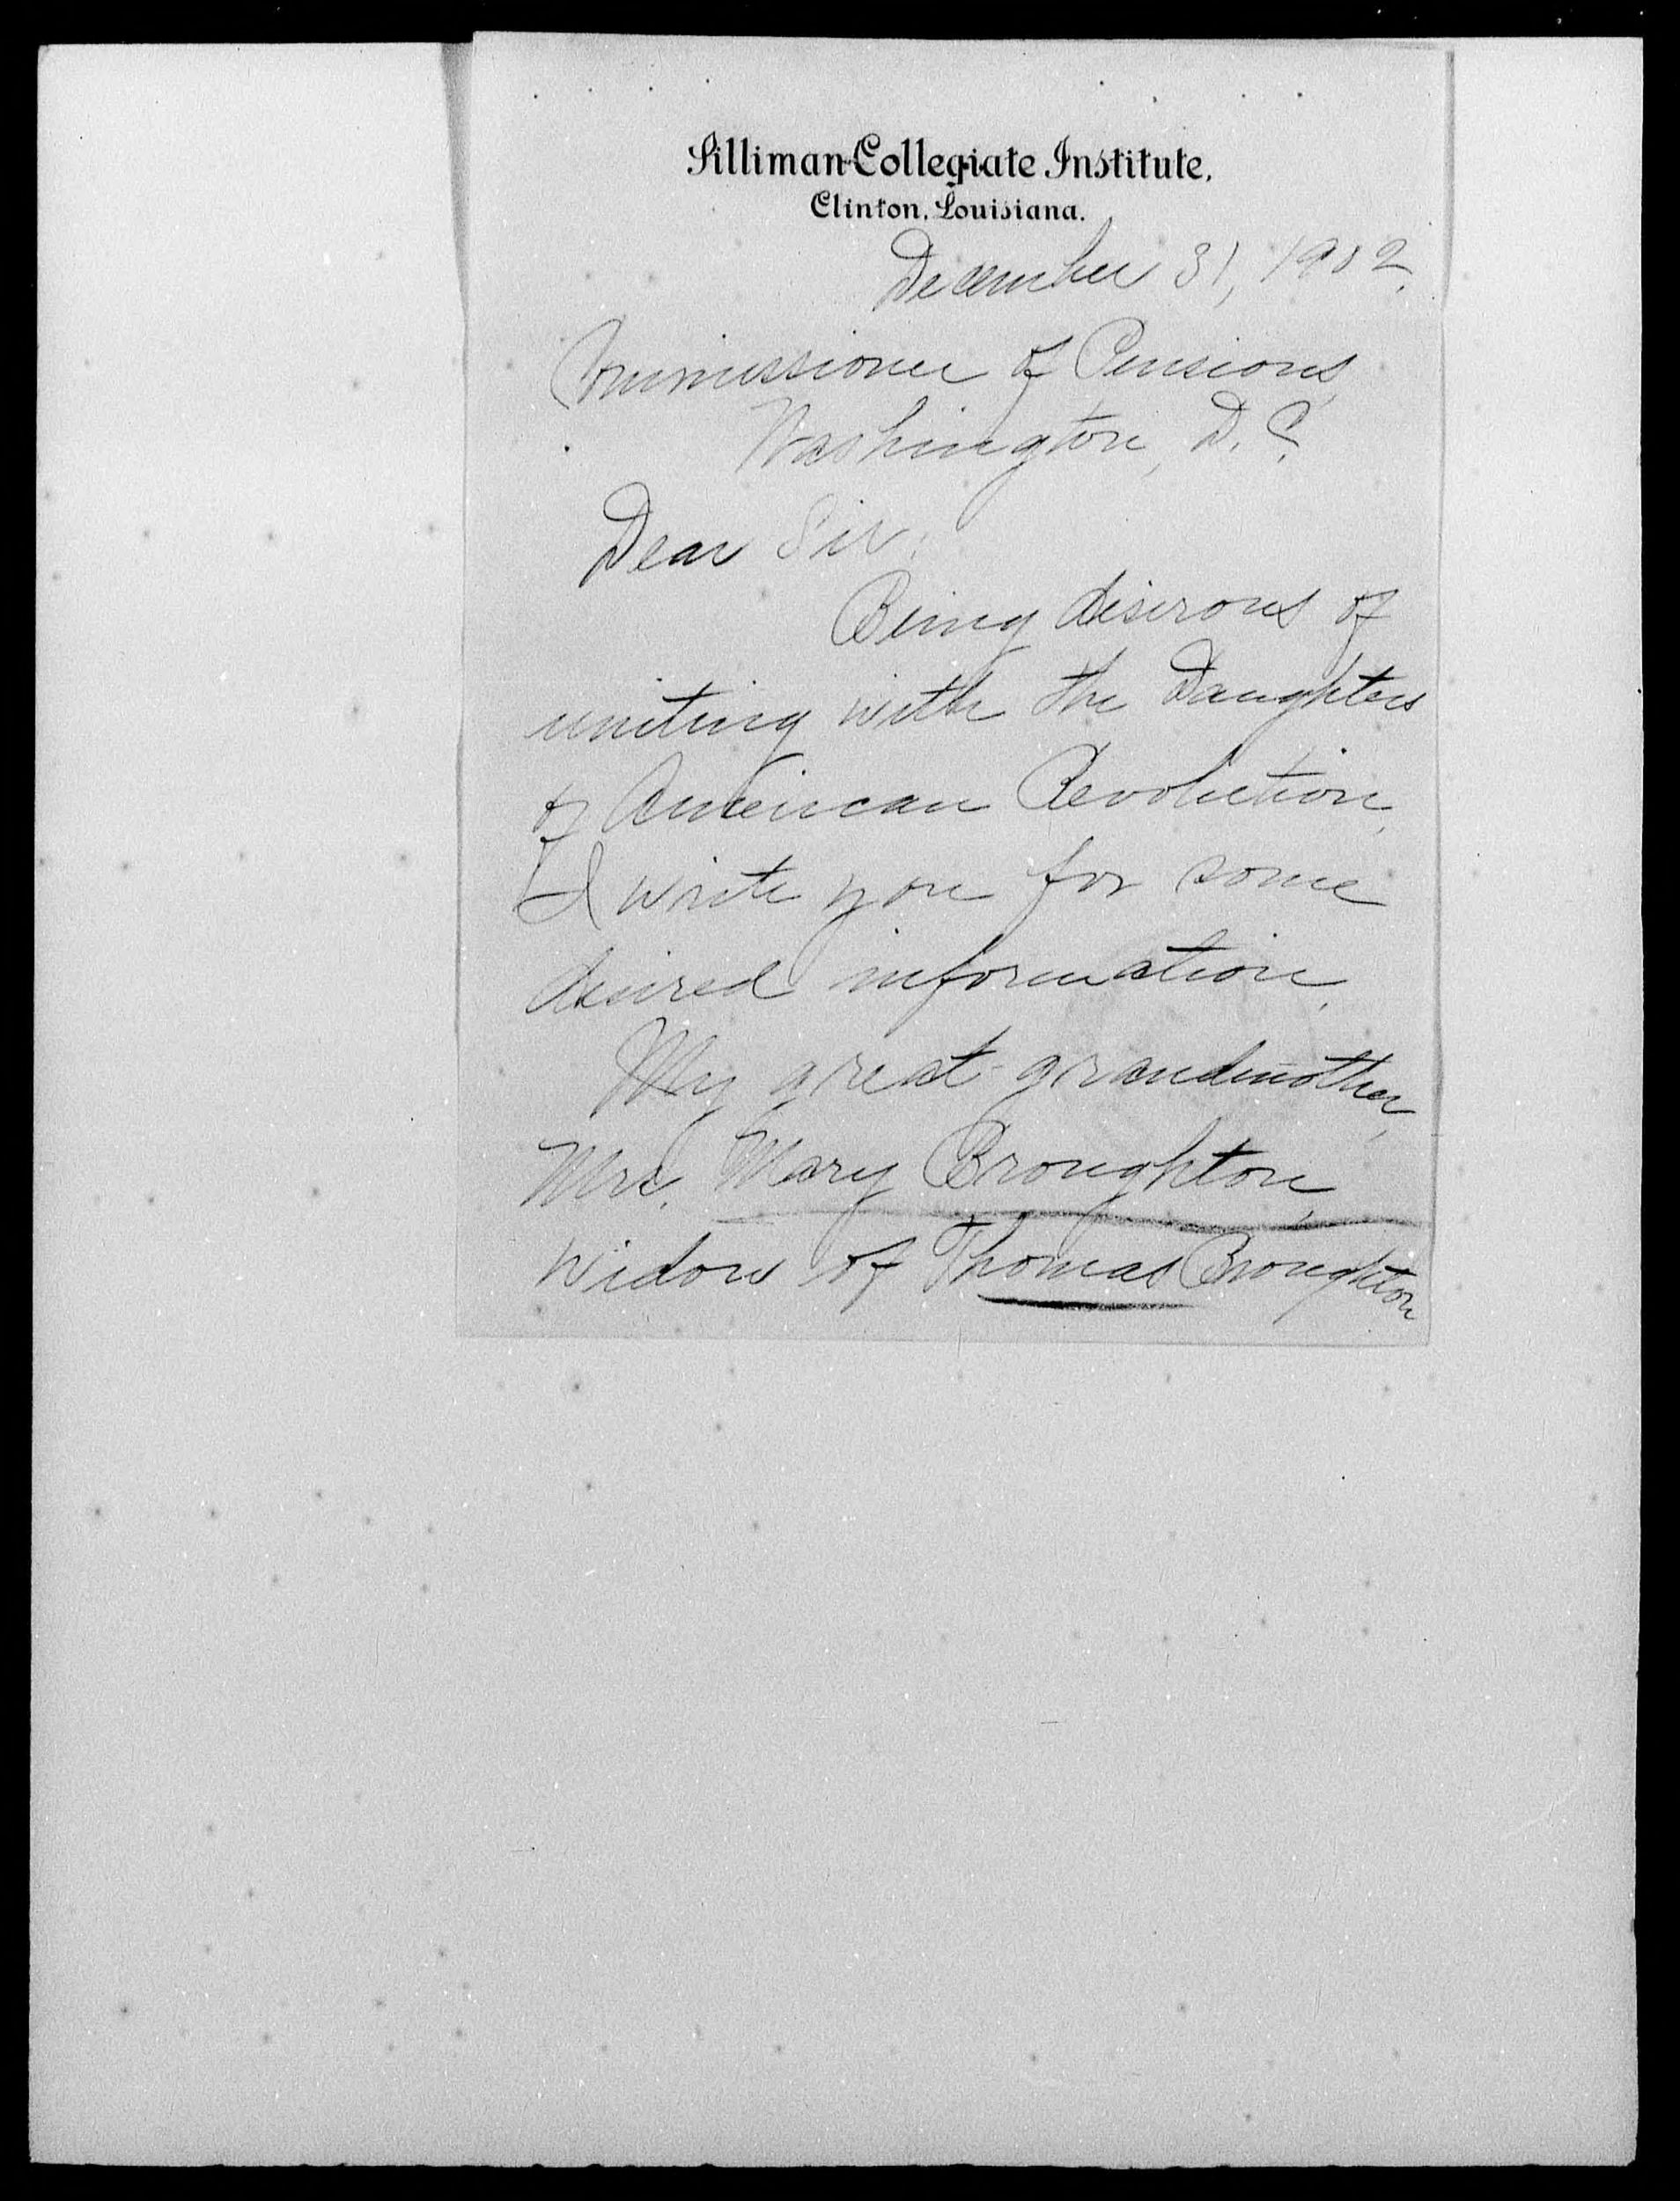Silliman-Collegiate Institute,
Clinton, Louisiana.
December 31, 1902

Commissioner of Pensions
Washington D. C.
Dear Sir:

Being desirous of
uniting with the Daughters
of American Revolution
I write you for some
desired information

My great - grandmother
Mrs Mary Broughton
widow of Thomas Broughton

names: Thomas Broughton, Mary Broughton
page: 69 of 72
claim: widow's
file: W. 897, Thomas Broughton, S.C.